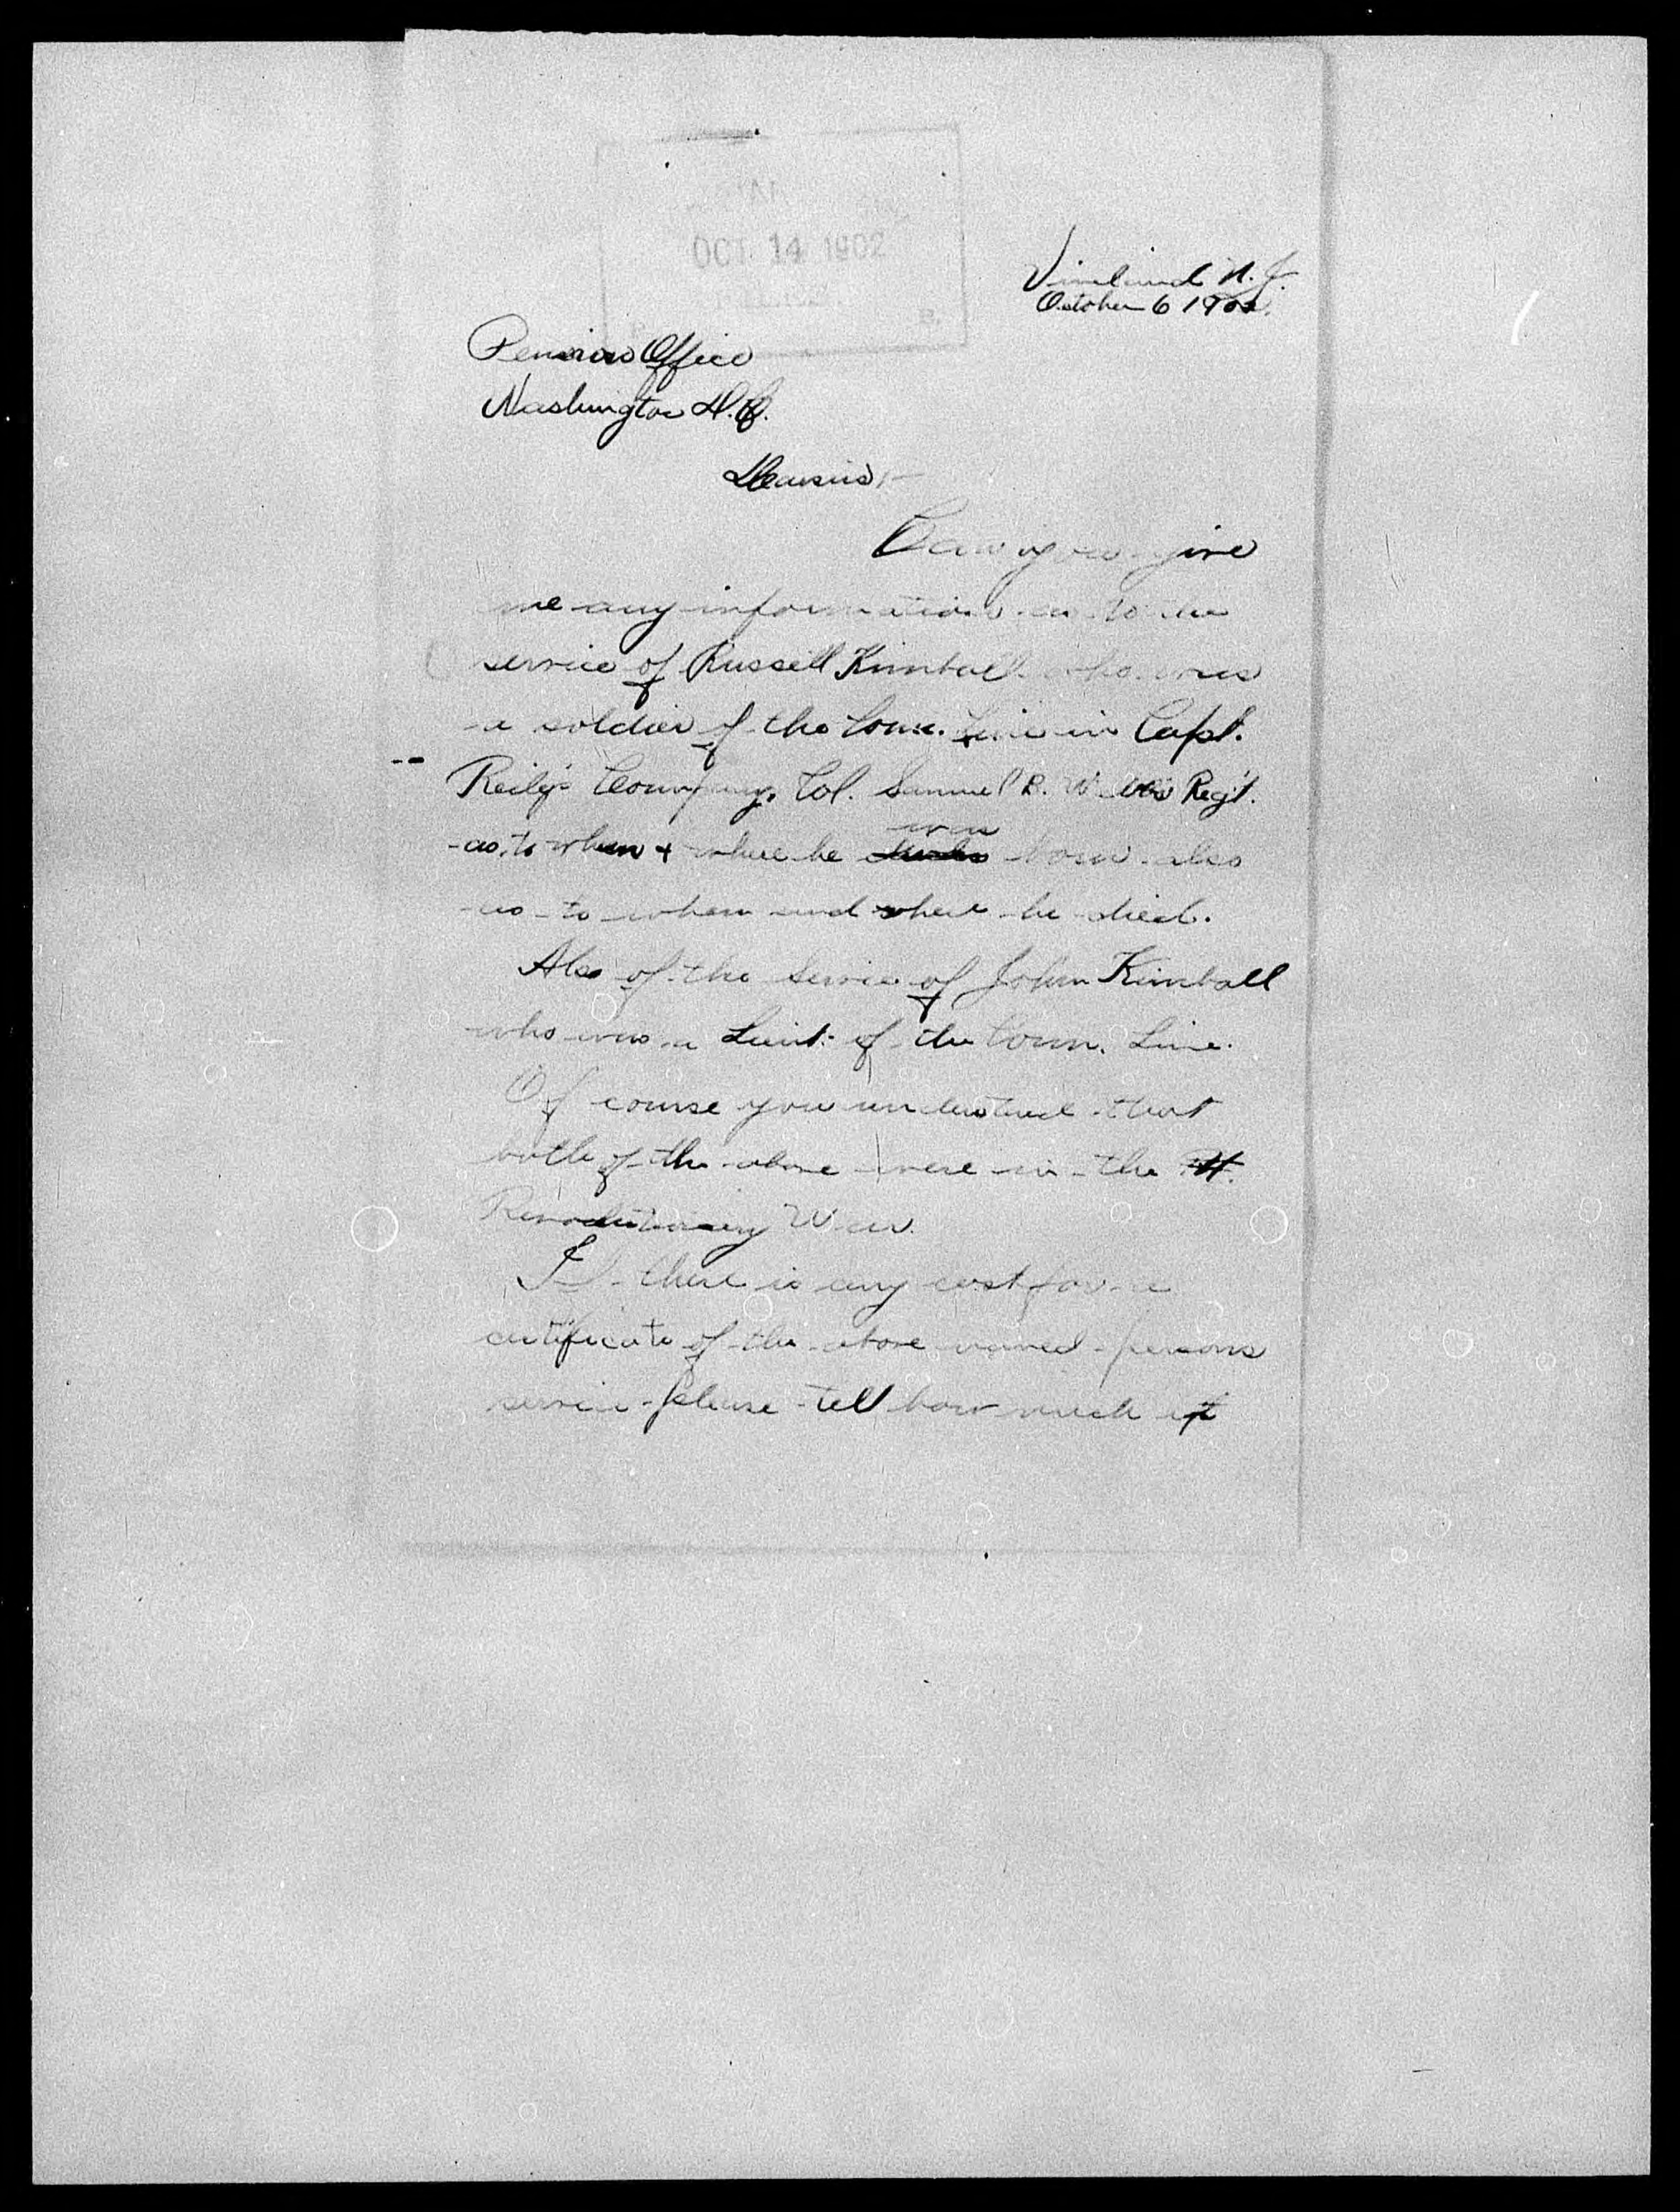[rectangular stamp] Oct. 14. 1902 Files

Vineland N.J.
October 6, 1902

Pension Office
Washington D.C.
Dear Sirs -
Can you give me any information as to the service of Russell Kimball who was a soldier of the Conn. Line in Capt. Reily's Company, Col. Samuel B. Webb's Regt, to when & where he was born - also as to when and where he died.
Also of the Service of John Kimball who was a Lieut of the Conn. Line
Of course you understand that both of the above were in the Revolutionary War.
If there is any cost for the certificate of the above named persons service please tell how much in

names: John Kimball; Russell Kimball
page: 26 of 36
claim: survivor's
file: S. 42,792, for John Kimball, Connecticut